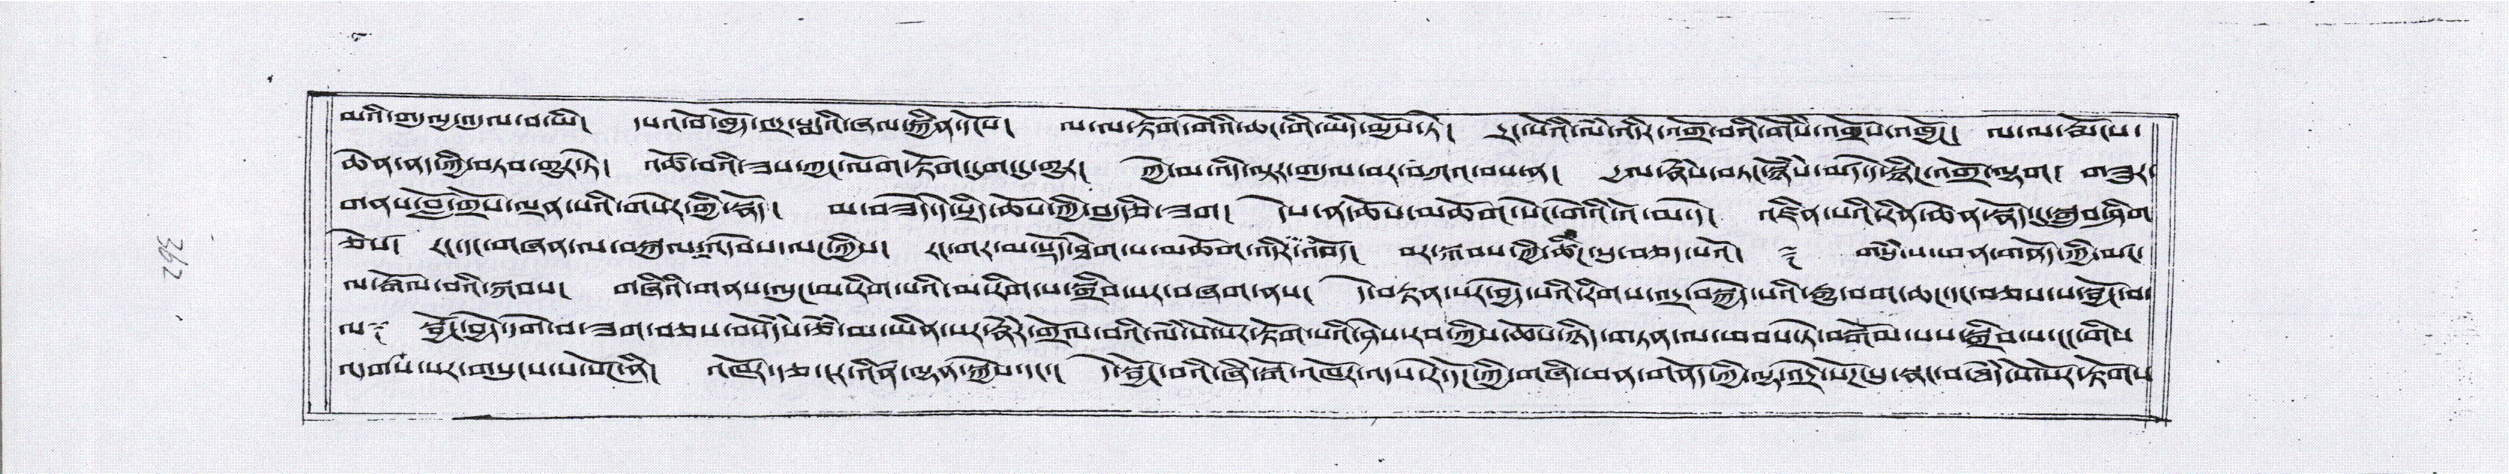མའི་གདུལ་བྱ་འདུལ་བ་ཡི། དཔའ་བོ་ཁྱོད་འདྲ་པདྨའི་ཞལ་སྐྱིན་དངོས། ལ་ལ་རྟོག་གེའི་ཆང་གི་ཡིད་མྱོས་ཏེ། དྲང་པོའི་ལམ་འདིར་འགྲོ་བའི་གོམས་འགྲོས་འཁྱོགས། ལ་ལ་རྨོངས་
ཆེན་ནད་ཀྱི་བཏབ་གྱུར་ཏེ། འཚོ་བའི་ཟས་ཀྱང་ལོག་རྟོག་དུག་ཏུ་གྱུར། ཀྱེ་མ་འདི་ལྟར་གདུལ་བར་བཀའ་བས་ན། རྒྱལ་རྣམས་བཏང་སྙོམས་མཛད་དེ་སྙིགས་འགྲོ་ལྷག གཟུར་
གནས་བློ་གྲོས་ལྡན་པའི་གསེར་གྱི་སྣོད། མ་བཟོད་དེ་སྲིད་ཆོས་ཀྱི་བདུད་རྩི་ཟག དེས་ན་ཆོས་མཆོག་སེང་གེའི་འོ་མ་དེ། འཛིན་པའི་རིན་ཆེན་སྣོད་དུ་སྒྲུབ་ཤིག་
ཅེས། རང་དང་གཞན་ལ་བསྐུལ་བ་འདེབས་ལགས་ཀྱིས། རང་གར་མ་སྡོད་ཐེག་པ་མཆོག་འདིར་འབོད། བར་སྐབས་ཀྱི་ཚིགས་སུ་བཅད་པའོ། ༑ གསུམ་པ་ཕན་གནོད་ཀྱི་མཚང་
ལ་རྒོལ་བའི་སྐབས། གཞིའི་གནས་ལུགས་མ་རིག་པའི་མ་རིག་པ་སྒྲིབ་པར་བཞག་ནས། དེ་བརྟན་པར་བྱེད་པའི་རིགས་འདྲ་བསྐྱེད་པའི་རྒྱུ་བག་ཆགས་དང་བཅས་པ་སྦྱོང་བ་
ལ། སྦྱོང་བྱེད་དགེ་བ་ཟག་བཅས་བསོད་ནམས་ཙམ་མ་ཡིན་པར་རྣམ་པར་གྲོལ་བའི་ལམ་སོ་སོར་རྟོག་པའི་ཤེས་རབ་ཀྱིས་ཆོས་ཉིད་གཏན་ལ་ཕབས་ཏེ་བསྒོམ་པས་སྒྲིབ་པ་ངང་གིས་
ལགས་པར་གསུངས་པ་སོགས་ནི། འཁོར་རྩ་ངར་འཛིན་ལྷན་སྐྱེས་དང། དེ་སྦྱོང་བའི་ཞི་སྒོ་འཁོར་འདས་རེ་དོགས་ཀྱི་གཞི་ཕན་གནོད་ཀྱི་ལྷ་འདྲེ་སོགས་སུ་སྣང་བ་ཐམས་ཅད་སོ་སོར་རྟོགས་